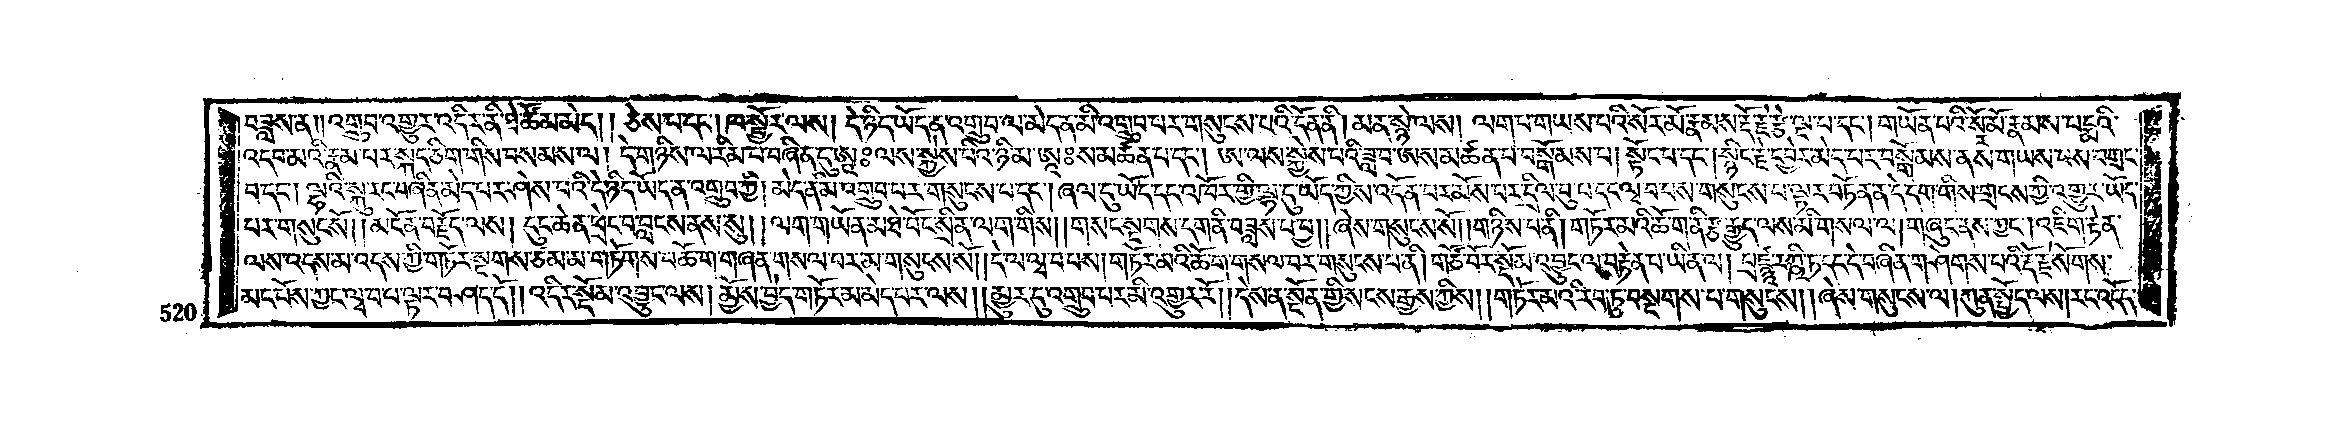བཟླས་ན། །འགྲུབ་འགྱུར་འདིར་ནི་ཐེ་ཚོམ་མེད། །ཅེས་པ་དང་། ཁ་སྦྱོར་ལས། དེ་ཉིད་ཡོད་ན་འགྲུབ་ལ་མེད་ན་མི་འགྲུབ་པར་གསུངས་པའི་དོན་ནི། མན་སྙེ་ལས། ལག་པ་གཡས་པའི་སོར་མོ་རྣམས་རྡོ་རྗེ་རྩེ་ལྔ་པ་དང་། གཡོན་པའི་སོར་མོ་རྣམས་པདམའི་
འདབ་མའི་རྣམ་པར་སྐད་ཅིག་གིས་བསམས་ལ། དེ་གཉིས་ལ་རིམ་པ་བཞིན་དུ་ཨཱཿ ལས་སྐྱེས་པའི་ཉི་མ་ཨཱཿ ས་མཚན་པ་དང་། ཨ་ལས་སྐྱེས་པའི་ཟླ་བ་ཨས་མཚན་པ་བསྒོམས་པ། སྟོང་པ་དང་། སྙིང་རྗེ་དབྱེར་མེད་པར་བསྒོམས་ནས་གཡས་པས་བགྲང་
བ་དང་། ལྷའི་སྐུ་རང་བཞིན་མེད་པར་ཤེས་པའི་དེ་ཉིད་ཡོད་ན་འགྲུབ་ཀྱི། མེད་ན་མི་འགྲུབ་པར་གསུངས་པ་དང་། ཞལ་དུ་ཡོད་དང་འཁོར་གྱི་ལྷ་དུ་ཡོད་ཀྱིས་འདོན་པར་མོས་པར་དྲིལ་བུ་པ་དང་ལྭ་བ་པས་གསུངས་པ་ལྟར་བཏོན་ན་དེ་དག་གིས་གྲངས་ཀྱི་འགྱུར་ཡོད་
པར་གསུངས་སོ། །མངོན་བརྗོད་ལས། དུང་ཆེན་ཕྲེང་བ་བླངས་ནས་སུ། །ལག་གཡོན་མཐེ་བོང་སྲིན་ལག་གིས། །གསང་སྔགས་དག་ནི་བཟླས་པ་བྱ། །ཞེས་གསུངས་སོ། །གཉིས་པ་ནི། གཏོར་མའི་ཆོ་ག་ནི་རྩ་རྒྱུད་ལས་མི་གསལ་ལ། གཞུང་ནས་ཀྱང་། འཇིག་རྟེན་
ལས་འདས་མ་འདས་ཀྱི་གཏོར་སྔགས་ཙམ་མ་གཏོགས་པ་ཆོ་ག་གཞན་གསལ་བར་མ་གསུངས་སོ། །དེ་ལ་ལྭ་བ་པས། གཏོར་མའི་ཆོ་ག་གསལ་བར་གསུངས་པ་ནི། གཙོ་བོར་སྡོམ་འབྱུང་ལ་བརྟེན་པ་ཡིན་ལ། པྲཛྙཱ་རཀྵི་ཏ་དང་དེ་བཞིན་གཤེགས་པའི་རྡོ་རྗེ་སོགས་
མང་པོས་ཀྱང་ལྭ་བ་པ་ལྟར་བཤད་དོ། །འདིར་སྡོམ་འབྱུང་ལས། མྱོས་བྱེད་གཏོར་མ་མེད་པར་ལས། །མྱུར་དུ་འགྲུབ་པར་མི་འགྱུར་རོ། །དེས་ན་སྔོན་གྱི་སངས་རྒྱས་ཀྱིས། །གཏོར་མའི་རབ་ཏུ་བསྔགས་པ་གསུངས། །ཞེས་གསུངས་ལ། ཀུན་སྤྱོད་ལས། རང་འདོད་